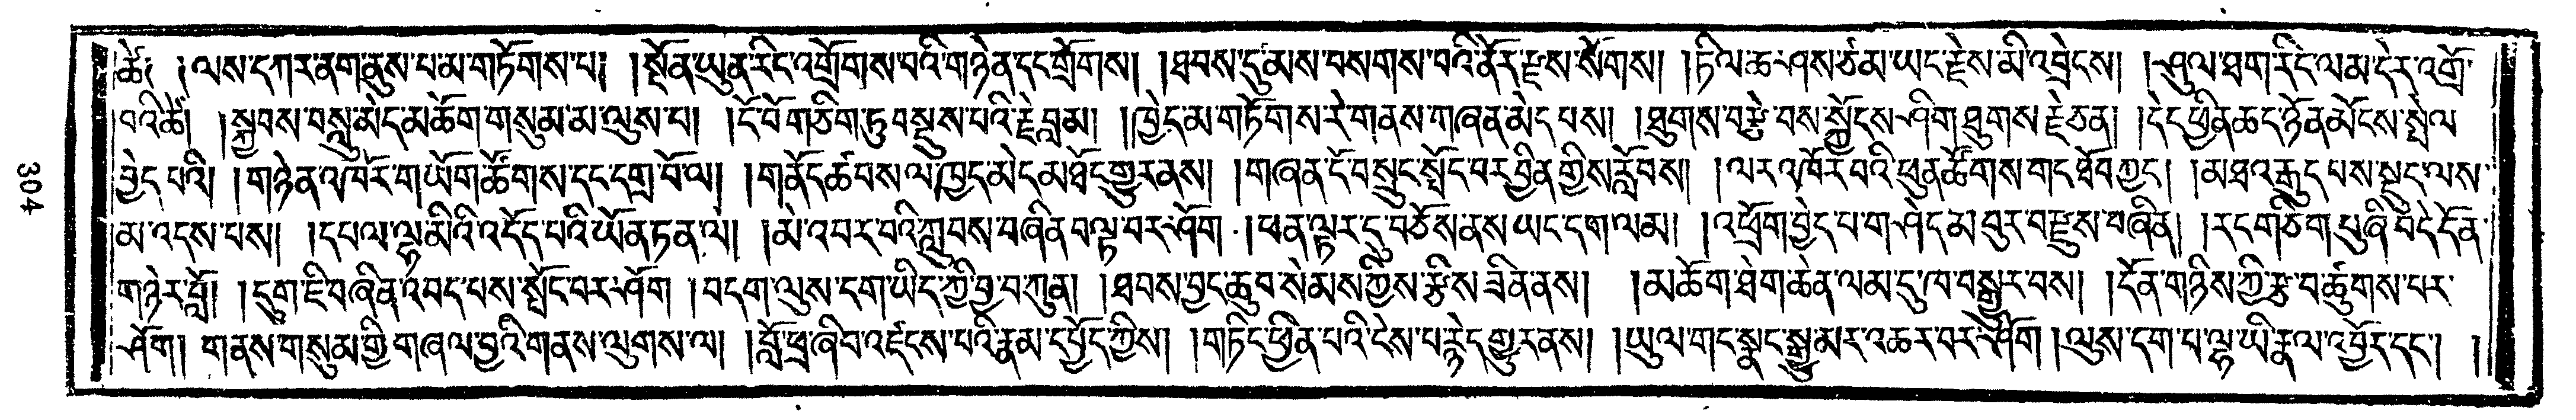ཚེ༑ ༑ལས་དཀར་ནག་ནུས་པ་མ་གཏོགས་པ། །སྔོན་ཡུན་རིང་འགྲོགས་བའི་གཉེན་དང་གྲོགས། །ཐབས་དུ་མས་བསགས་བའི་ནོར་རྫས་སོགས། །ཏིལ་ཆ་ཤས་ཙམ་ཡང་རྗེས་མི་འབྲེངས། །ཤུལ་ཐག་རིང་ལམ་དེར་འགྲོ་
བའི་ཚེ། །སྐྱབས་བསླུ་མེད་མཆོག་གསུམ་མ་ལུས་པ། །ངོ་བོ་གཅིག་ཏུ་བསྡུས་པའི་རྗེ་བླ་མ། །ཁྱེད་མ་གཏོགས་རེ་གནས་གཞན་མེད་པས། །ཐུགས་བརྩེ་བས་སྐྱོངས་ཤིག་ཐུགས་རྗེ་ཅན། །དེང་ཕྱིན་ཆད་ཉོན་མོངས་སྤེལ་
བྱེད་པའི། །གཉེན་འཁོར་གཡོག་ཚོགས་དང་དགྲ་བོ་ལ། །གནོད་ཚབས་ལ་ཁྱད་མེད་མཐོང་གྱུར་ནས། །གཞན་ངོ་བསྲུང་སྤོད་བར་བྱིན་གྱིས་རློབས། །ལར་འཁོར་བའི་ཕུན་ཚོགས་གང་ཐོབ་ཀྱང་། །མཐའ་རྒུད་པས་སྡུང་ལས་
མ་འདས་པས། །དཔལ་ལྷ་མིའི་འདོད་པའི་ཡོན་ཏན་ལ། །མེ་འབར་བའི་ཀླུབས་བཞིན་བལྟ་བར་ཤོག །ཕན་ལྟར་དུ་བཅོས་ནས་ཡང་དག་ལམ། །འཕྲོག་བྱེད་པ་གཤེད་མ་བུར་བརྫུས་བཞིན། །རང་གཅིག་པུ་ཞི་བདེ་དོན་
གཉེར་བློ། །དུག་ཇི་བཞིན་འབད་པས་སྤོང་བར་ཤོག །བདག་ལུས་ངག་ཡིད་ཀྱི་བྱ་བ་ཀུན། །ཐབས་བྱང་ཆུབ་སེམས་ཀྱིས་རྩིས་ཟིན་ནས། །མཆོག་ཐེག་ཆེན་ལམ་དུ་ཁ་བསྒྱུར་བས། །དོན་གཉིས་ཀྱི་རྩ་བ་ཚུགས་པར་
ཤོག། གནས་གསུམ་གྱི་གཞལ་བྱའི་གནས་ལུགས་ལ། །བློ་ཕྲ་ཞིབ་འཛངས་པའི་རྣམ་དཔྱོད་ཀྱིས། །གཏིང་ཕྱིན་པའི་ངེས་པ་རྙེད་གྱུར་ནས། །ཡུལ་གང་སྣང་སྒྱུ་མར་འཆར་བར་ཤོག །ལུས་དག་པ་ལྷ་ཡི་རྣལ་འབྱོར་དང་། །